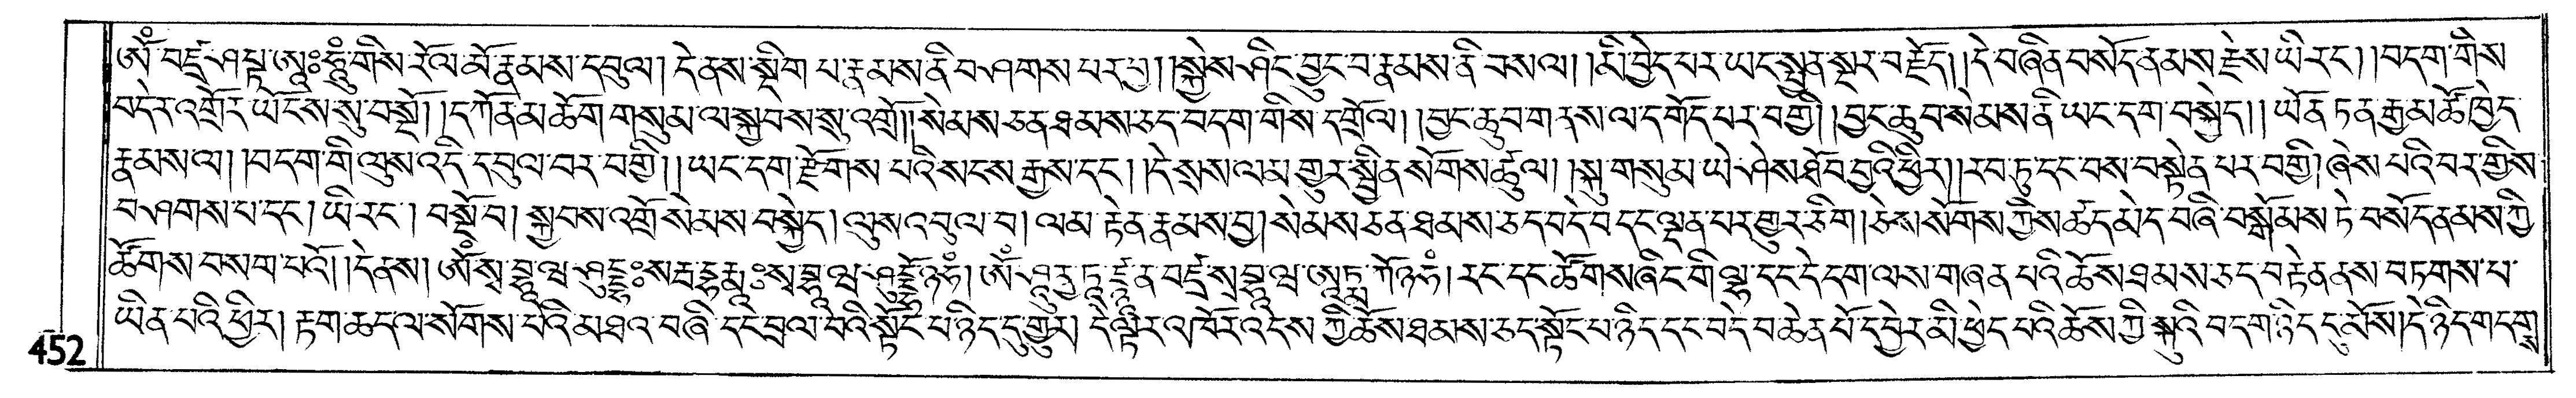ཨོཾ་བཛྲ་ཤཔྟ་ཨཱཿ ཧཱུཾ་གིས་རོལ་མོ་རྣམས་དབུལ། དེ་ནས་སྡིག་པ་རྣམས་ནི་བཤགས་པར་བྱ། །སྐྱེས་ཤིང་བྱུང་བ་རྣམས་ནི་བསལ། །མི་བྱེད་པར་ཡང་སྤྱན་སྔར་བརྗོད། །དེ་བཞིན་བསོད་ནམས་རྗེས་ཡི་རང་། །བདག་གིས་
བདེར་འགྲོར་ཡོངས་སུ་བསྔོ། །དཀོན་མཆོག་གསུམ་ལ་སྐྱབས་སུ་འགྲོ། །སེམས་ཅན་ཐམས་ཅད་བདག་གིས་དགྲོལ། །བྱང་ཆུབ་གནས་ལ་དགོད་པར་བགྱི། །བྱང་ཆུབ་སེམས་ནི་ཡང་དག་བསྐྱེད། །ཡོན་ཏན་རྒྱ་མཚོ་ཁྱེད་
རྣམས་ལ། །བདག་གི་ལུས་འདི་དབུལ་བར་བགྱི། །ཡང་དག་རྫོགས་པའི་སངས་རྒྱས་དང་། །དེ་སྲས་ལམ་གྱུར་སྦྱིན་སོགས་ཚུལ། །སྐུ་གསུམ་ཡེ་ཤེས་ཐོབ་བྱའི་ཕྱིར། །རབ་ཏུ་དང་བས་བསྟེན་པར་བགྱི། ཞེས་པའི་བར་གྱིས་
བཤགས་པ་དང་། ཡི་རང་། བསྔོ་བ། སྐྱབས་འགྲོ་སེམས་བསྐྱེད། ལུས་འབུལ་བ། ལམ་རྟེན་རྣམས་བྱ། སེམས་ཅན་ཐམས་ཅད་བདེ་བ་དང་ལྡན་པར་གྱུར་ཅིག །ཅེས་སོགས་ཀྱིས་ཚད་མེད་བཞི་བསྒོམས་ཏེ་བསོད་ནམས་ཀྱི་
ཚོགས་བསག་པའོ། །དེ་ནས། ཨོཾ་སྭ་བྷཱ་ཝ་ཤུདྡྷཿ སརྦ་དྷ་རྨཱཿ སྭ་བྷཱ་ཝ་ཤུདྡྷོ་ཉཧཾ། ཨོཾ་ཤཱུ་ནྱ་ཏཱ་ཛྙཱ་ན་བཛྲ་སྲ་བྷཱ་ཝ་ཨཱཏྨ་ཀོཉ་ཧཾ། རང་དང་ཚོགས་ཞིང་གི་ལྷ་དང་དེ་དག་ལས་གཞན་པའི་ཆོས་ཐམས་ཅད་བརྟེན་ནས་བཏགས་པ་
ཡིན་པའི་ཕྱིར། རྟག་ཆད་ལ་སོགས་པའི་མཐའ་བཞི་དང་བྲལ་བའི་སྟོང་པ་ཉིད་དུ་གྱུར། དེ་ལྟར་འཁོར་འདས་ཀྱི་ཆོས་ཐམས་ཅད་སྟོང་པ་ཉིད་དང་བདེ་བ་ཆེན་པོ་དབྱེར་མི་ཕྱེད་པའི་ཆོས་ཀྱི་སྐུའི་བདག་ཉིད་དུ་མོས། དེ་ཉིད་གདགས་